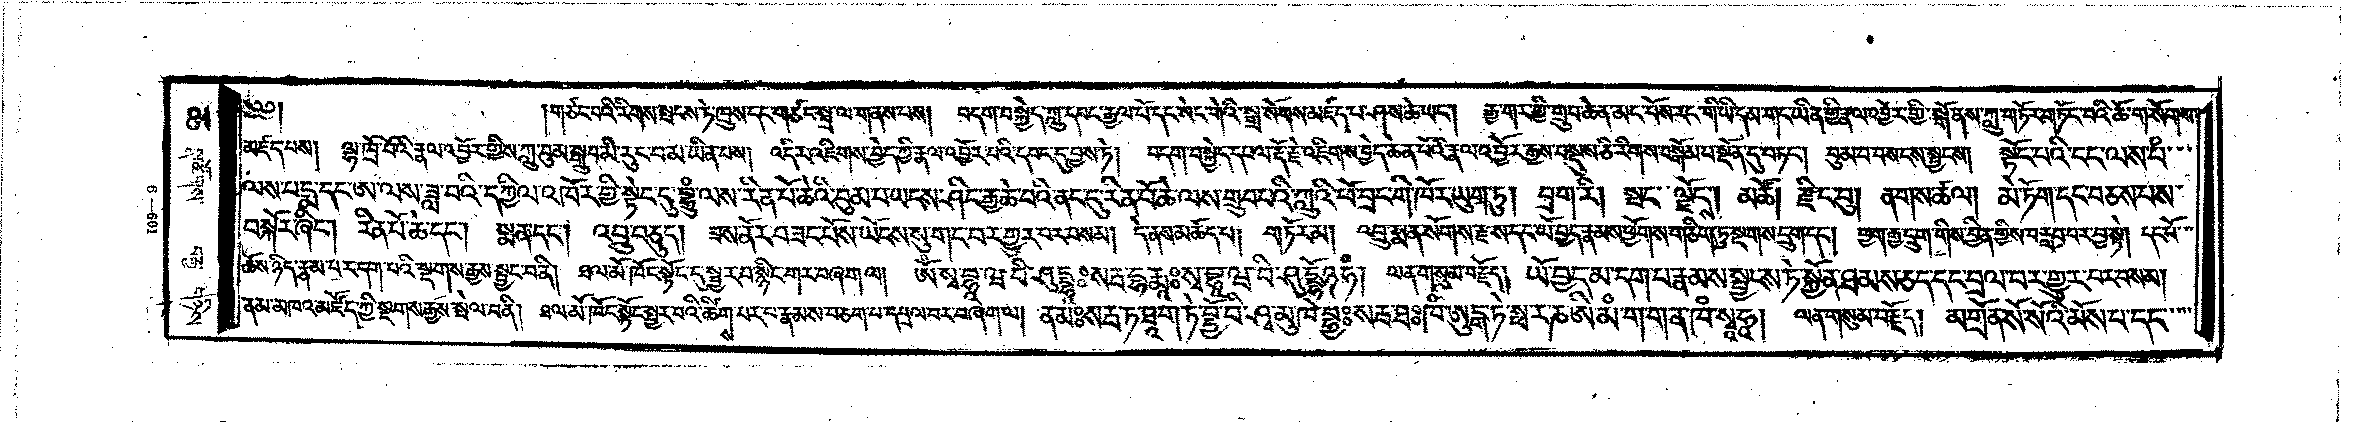༄༅། །གཙང་བའི་རིགས་སྤངས་ཏེ་ཁྲུས་དང་གཙང་སྦྲལ་གནས་པས། བདག་བསྐྱེད་ཀླུ་དབང་རྒྱལ་པོ་དང་སེང་གེའི་སྒྲ་སོགས་མཛད་པ་ཤས་ཆེ་ཡང་། རྒྱ་གར་གྱི་གྲུབ་ཆེན་མང་བོས་རང་གི་ཡི་དམ་གང་ཡིན་གྱི་རྣལ་འབྱོར་གྱི་སྒོ་ནས་ཀླུ་གཏོར་གཏོང་བའི་ཆོ་ག་སོགས་
མཛད་པས། ལྷ་ཁྲོ་བོའི་རྣལ་འབྱོར་གྱིས་ཀླུ་བུམ་སྒྲུབ་མི་རུང་བ་མ་ཡིན་པས། འདིར་འཇིགས་བྱེད་ཀྱི་རྣལ་འབྱོར་པའི་དབང་དུ་བྱས་ཏེ༑ བདག་བསྐྱེད་དཔལ་རྡོ་རྗེ་འཇིགས་བྱེད་ཆེན་པོའི་རྣལ་འབྱོར་རྒྱས་བསྡུས་ཅི་རིགས་བསྒོམ་པ་སྔོན་དུ་བཏང་། བུམ་བ་བསངས་སྦྱངས། སྟོང་པའི་ངང་ལས་པཾ་
ལས་པདམ་དང་ཨ་ལས་ཟླ་བའི་དཀྱིལ་འཁོར་གྱི་སྟེང་དུ་བྷཱུཾ་ལས་རིན་པོ་ཆེའི་བུམ་པ་ཡངས་ཤིང་རྒྱ་ཆེ་བའི་ནང་དུ་རིན་པོ་ཆེ་ལས་གྲུབ་པའི་ཀླུའི་ཕོ་བྲང་གི་ཁོར་ཡུག་ཏུ། བྲག་རི། སྦང་ལྗོངས། མཚོ། རྫིང་བུ། ནགས་ཚལ། མེ་ཏོག་དང་བཅས་པས་
བསྐོར་ཞིང་། རིན་པོ་ཆེ་དང་། སྨན་དང་། འབྲུ་བཅུད། ཟས་ནོར་བཟང་པོས་ཡོངས་སུ་གང་བར་གྱུར་པར་བསམ། དེ་ནས་མཆོད་པ། གཏོར་མ། འབྲུ་སྨན་སོགས་རྫས་དང་ཡོ་བྱད་རྣམས་ཕྱོགས་གཅིག་ཏུ་སྔགས་དྲུག་དང་། ཕྱག་རྒྱ་དྲུག་གིས་བྱིན་གྱིས་བརླབ་པར་བྱ་སྟེ། དང་པོ་
ཆོས་ཉིད་རྣམ་པར་དག་པའི་སྔགས་རྒྱས་སྦྱང་བ་ནི། ཐལ་མོ་ཁོང་སྟོང་དུ་སྦྱར་བ་སྙིང་གར་བཞག་ལ། ཨོཾ་སྭ་བྷཱ་ཝ་བི་ཤུདྡྷཱཿསརྦ་དྷརྨཱཿསྭབྷཱ་ཝ་བི་ཤུདྡྷོཉཧཾ། ལན་གསུམ་བརྗོད།  ཡོ་བྱད་མ་དག་པ་རྣམས་སྦྱངས་ཏེ་སྐྱོན་ཐམས་ཅད་དང་བྲལ་བར་གྱུར་བར་བསམ།
ནམ་མཁའ་མཛོད་ཀྱི་སྔགས་རྒྱས་སྦེལ་བ་ནི། ཐལ་མོ་ཁོང་སྟོང་སྦྱར་བའི་ཚིགས་པར་པ་རྣམས་བཅག་པ་དཔྲལ་བར་བཞག་ལ། ནམཿསརྦ་ཏ་ཐཱ་ག་ཏེ་བྷྱོ་བི་ཤྭ་མུ་ཁེ་བྷྱཿསརྦ་ཐཿཁཾ་ཨུངྒ་ཏེ་སྥ་ར་ཎ་ཨི་མཾ་ག་ག་ན་ཁཾ་སྭཱཧཱ། ལན་གསུམ་བརྗོད།  མགྲོན་སོ་སོའི་མོས་པ་དང་
ཕ༹ཕ༹་